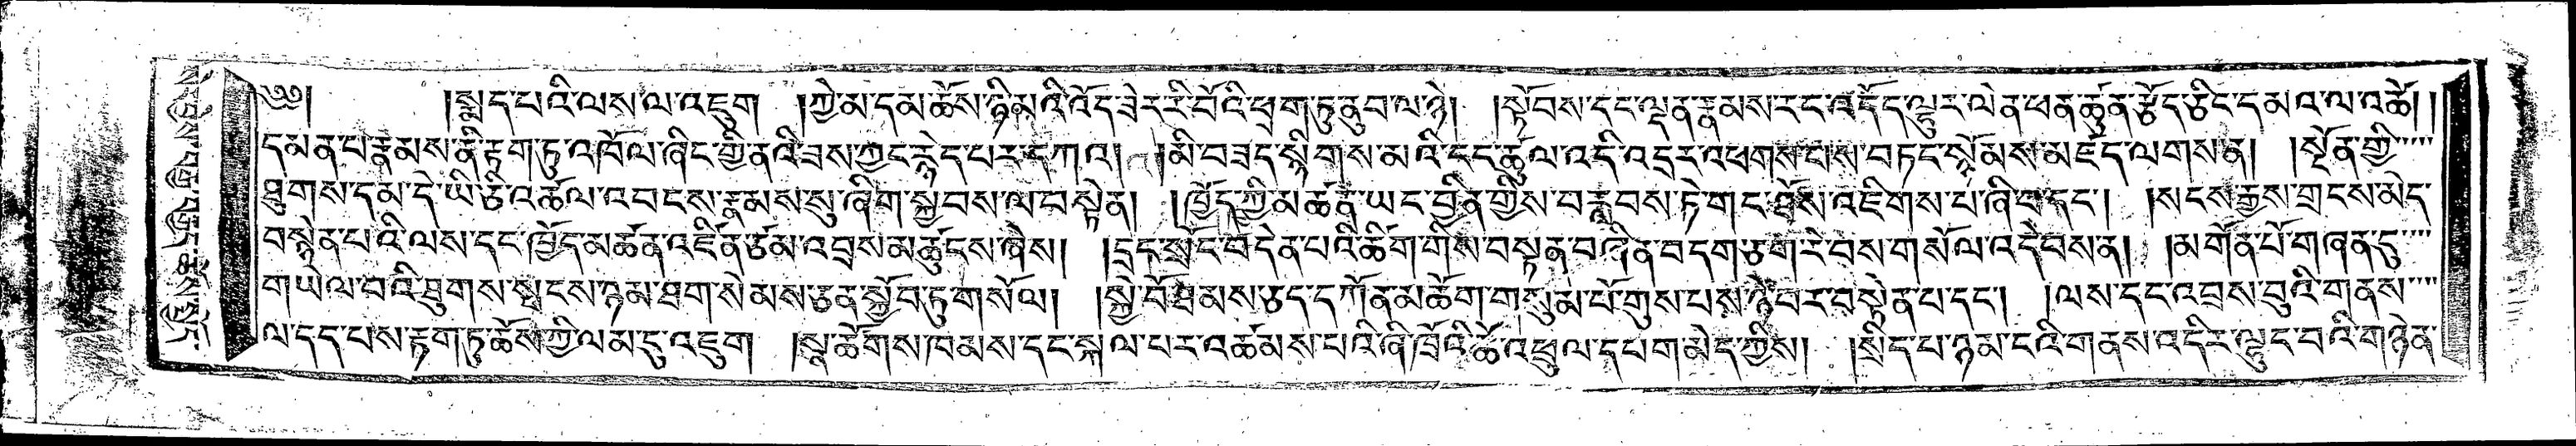༄༅། །སྨད་པའི་ལས་ལ་འཇུག །ཀྱེ་མ་དམ་ཆོས་ཉི་མའི་འོད་ཟེར་རི་བོའི་ཕྲག་ཏུ་ནུབ་ལ་ཉེ། །སྟོབས་དང་ལྡན་རྣམས་རང་འདོད་ལྷུར་ལེན་ཕན་ཚུན་རྩོད་ཅིང་དམའ་ལ་འཚེ། །
དམན་པ་རྣམས་ནི་རྟག་ཏུ་འཁོལ་ཞིང་གྱི་ནའི་ཟས་ཀྱང་རྙེད་པར་དཀའ། །མི་བཟད་སྙིགས་མའི་ངང་ཚུལ་འདི་འདྲར་འཕགས་པས་བཏང་སྙོམས་མཛད་ལགས་ན། །སྔོན་གྱི་
ཐུགས་དམ་དེ་ཡི་ཅི་འཚལ་འབངས་རྣམས་སུ་ཞིག་སྐྱབས་ལ་བསྟེན། །ཁྱོད་ཀྱི་མཚན་ཡང་བྱིན་གྱིས་བརླབས་ཏེ་གང་ཐོས་འཇིགས་པ་ཞི་བ་དང་། །སངས་རྒྱས་གྲངས་མེད་
བསྙེན་པའི་ལས་དང་ཁྱོད་མཚན་འཛིན་ཙམ་འབྲས་མཚུངས་ཞེས། །དྲང་སྲོང་བདེན་པའི་ཚིག་གིས་བསྟན་བཞིན་བདག་ཅག་རེ་བས་གསོལ་འདེབས་ན། །མགོན་པོ་གཞན་དུ་
གཡེལ་བའི་ཐུགས་སྤངས་ཉམ་ཐག་སེམས་ཅན་སྐྱོབ་ཏུ་གསོལ། །སྐྱེ་བོ་ཐམས་ཅད་དཀོན་མཆོག་གསུམ་པོ་གུས་པས་ཉེ་བར་བསྟེན་པ་དང་། །ལས་དང་འབྲས་བུའི་གནས་
ལ་དད་པས་རྟག་ཏུ་ཆོས་ཀྱི་ལམ་དུ་འཇུག །སྣ་ཚོགས་ཁམས་དང་སྐལ་བར་འཚམས་པའི་ཞི་ཁྲོའི་ཆོ་འཕྲུལ་དཔག་མེད་ཀྱིས། །སྲིད་པ་ཉམ་ངའི་གནས་འདིར་ལྷུང་བའི་གཉེན་